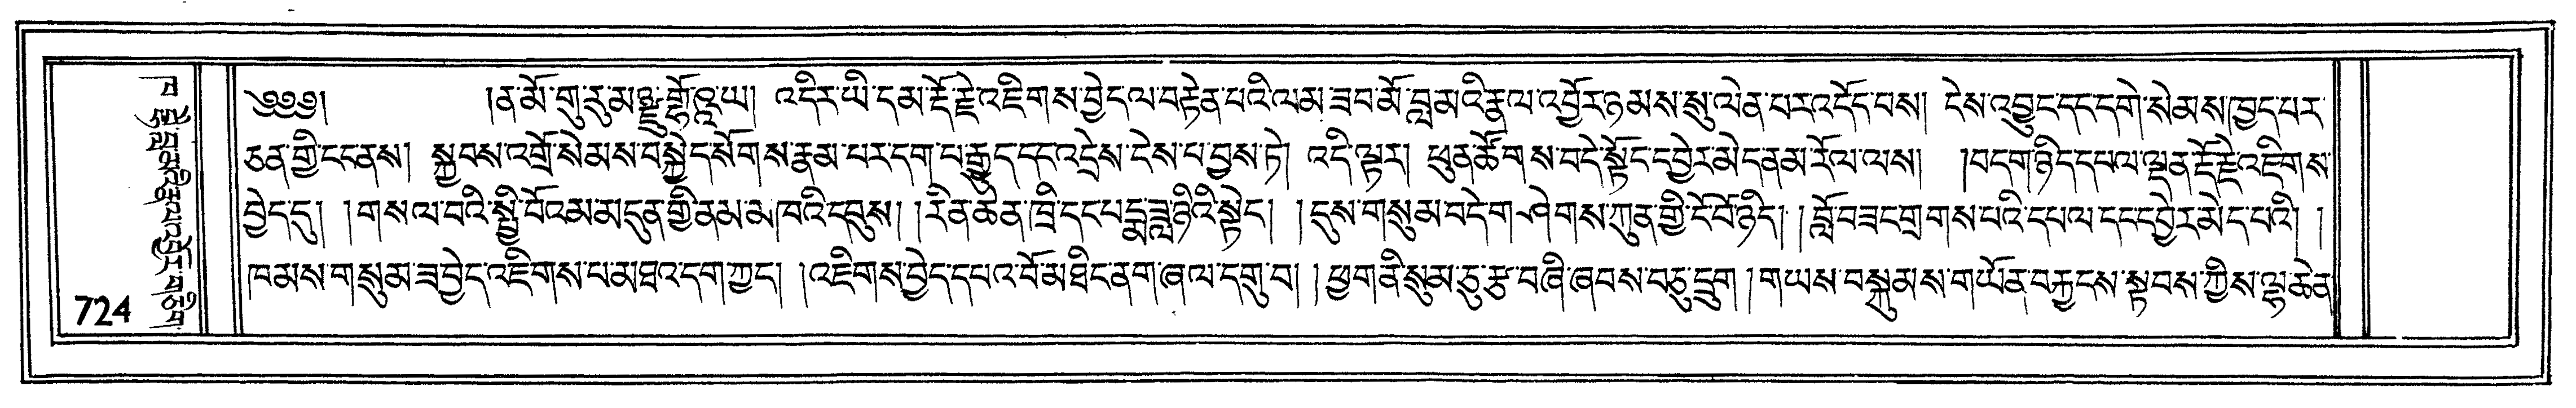༄༅༅། །ན་མོ་གུ་རུ་མཉྫུ་གྷོ་ཥཱ་ཡ། འདིར་ཡི་དམ་རྡོ་རྗེ་འཇིགས་བྱེད་ལ་བརྟེན་པའི་ལམ་ཟབ་མོ་བླ་མའི་རྣལ་འབྱོར་ཉམས་སུ་ལེན་པར་འདོད་པས། ངེས་འབྱུང་དང་དགེ་སེམས་ཁྱད་པར་
ཅན་གྱི་ངང་ནས། སྐྱབས་འགྲོ་སེམས་བསྐྱེད་སོགས་རྣམ་པར་དག་པ་རྒྱུད་དང་འདྲེས་ངེས་པ་བྱས་ཏེ། འདི་ལྟར། ཕུན་ཚོགས་བདེ་སྟོང་དབྱེར་མེད་ནམ་རོལ་ལས། །བདག་ཉིད་དཔལ་ལྡན་རྡོ་རྗེ་འཇིགས་
བྱེད་དུ། །གསལ་བའི་སྤྱི་བོའམ་མདུན་གྱི་ནམ་མཁའི་དབུས། །རིན་ཆེན་ཁྲི་དང་པདམ་ཟླ་ཉིའི་སྟེང་། །དུས་གསུམ་བདེ་གཤེགས་ཀུན་གྱི་ངོ་བོ་ཉིད། །བློ་བཟང་གྲགས་པའི་དཔལ་དང་དབྱེར་མེད་པའི། །
ཁམས་གསུམ་ཟ་བྱེད་འཇིགས་པ་མཐའ་དག་ཀྱང་། །འཇིགས་བྱེད་དཔའ་བོ་མཐིང་ནག་ཞལ་དགུ་བ། །ཕྱག་ནི་སུམ་ཅུ་རྩ་བཞི་ཞབས་བཅུ་དྲུག །གཡས་བསྐུམས་གཡོན་བརྐྱངས་སྟབས་ཀྱིས་ལྷ་ཆེན་